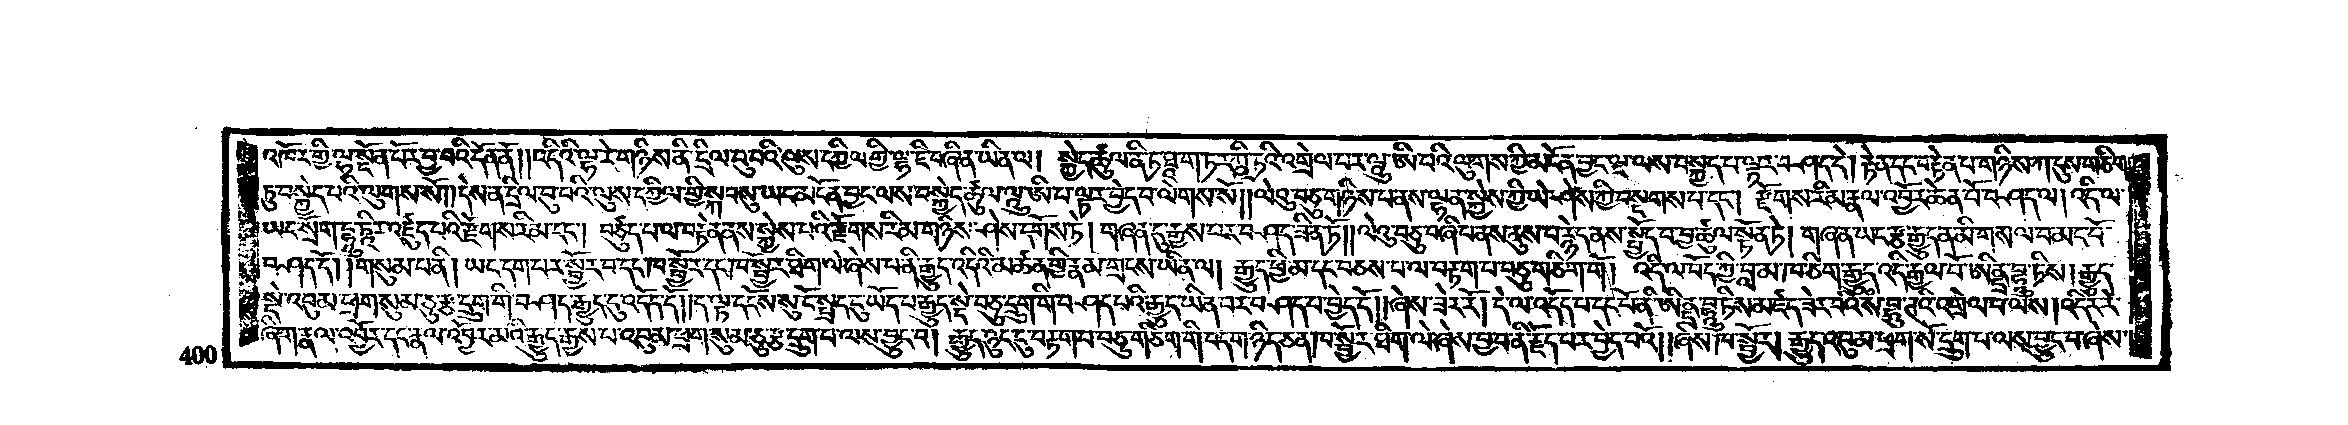འཁོར་གྱི་ལྷ་སྔོན་པོར་བྱ་བའི་དོན་ནོ། །འདིའི་ལྷ་རེ་གཉིས་ནི་དྲིལ་བུ་བའི་ལུས་དཀྱིལ་གྱི་ལྷ་ཇི་བཞིན་ཡིན་ལ། སྐྱེད་ཚུལ་ནི་ཏ་ཐཱ་ག་ཏ་རཀྵི་ཏའི་འགྲེལ་པར་ལཱུ་ཨི་པའི་ལུགས་ཀྱི་མངོན་བྱང་ལྔ་ལས་བསྐྱེད་པ་ལྟར་བཤད་དེ། རྟེན་དང་བརྟེན་པ་གཉིས་ཀ་དུས་གཅིག་
ཏུ་བསྐྱེད་པའི་ལུགས་སོ། །དེས་ན་དྲིལ་བུ་བའི་ལུས་དཀྱིལ་གྱི་སྐབས་སུ་ཡང་མངོན་བྱང་ལས་བསྐྱེད་ཚུལ་ལཱུ་ཨི་པ་ལྟར་བྱེད་པ་ལེགས་སོ། །ལེའུ་བཅུ་གཉིས་པ་ནས་ལྷན་སྐྱེས་ཀྱི་ཡེ་ཤེས་ཀྱི་བསྔགས་པ་དང་། རྫོགས་རིམ་རྣལ་འབྱོར་ཆེན་པོ་བཤད་ལ། འདི་ལ་
ཡང་སྲོག་དྷཱུ་ཏཱིར་འཛུད་པའི་རྫོགས་རིམ་དང་། བཙུད་པ་ལ་བརྟེན་ནས་སྐྱེས་པའི་རྫོགས་རིམ་གཉིས་ཤེས་དགོས་ཏེ། གཞན་དུ་རྒྱས་པར་བཤད་ཟིན་ཏོ། །ལེའུ་བཅུ་བཞི་པ་ནས་ནུས་པ་རྙེད་ནས་སྤྱོད་པ་བྱ་ཚུལ་སྟོན་ཏེ། གཞན་ཡང་རྩ་རྒྱུད་ན་མི་གསལ་བ་མང་པོ་
བཤད་དོ། །གསུམ་པ་ནི། ཡང་དག་པར་སྦྱོར་བ་དང་ཁ་སྦྱོར་དང་ཁ་སྦྱོར་ཐིག་ལེ་ཞེས་པ་ནི་རྒྱུད་འདིའི་མཚན་གྱི་རྣམ་གྲངས་ཡིན་ལ། རྒྱུད་ཕྱི་མ་དང་བཅས་པ་ལ་བརྟག་པ་བཅུ་གཅིག་གོ །འདི་ལ་བོད་ཀྱི་བླ་མ་ཁ་ཅིག་རྒྱུད་འདི་རྒྱལ་པོ་ཨིནྡྲ་བྷཱུ་ཏིས། རྒྱུད་
སྡེ་འབུམ་ཕྲག་སུམ་ཅུ་རྩ་དྲུག་གི་བཤད་རྒྱུད་དུ་འདོད་དོ། །ད་ལྟ་དངོས་སུ་ངོ་སྤྲད་དུ་ཡོད་པ་རྒྱུད་སྡེ་བཅུ་དྲུག་གི་བཤད་པའི་རྒྱུད་ཡིན་པར་བཤད་པ་བྱེད་དོ། །ཞེས་ཟེར་རོ། དེ་ལ་འདོད་པ་དང་པོ་ནི་ཨིནྡྲ་བྷཱུ་ཏིས་མཛད་ཟེར་བའི་སཾ་བྷུ་ཊའི་འགྲེལ་པ་ལས། འདིར་རེ་
ཞིག་རྣལ་འབྱོར་དང་རྣལ་འབྱོར་མའི་རྒྱུད་རྒྱས་པ་འབུམ་ཕྲག་སུམ་ཅུ་རྩ་དྲུག་པ་ལས་བྱུང་བ། རྒྱུད་ཉུང་ངུ་བརྟག་པ་བཅུ་གཅིག་གི་བདག་ཉིད་ཅན་ཁ་སྦྱོར་ཐིག་ལེ་ཞེས་བྱ་བ་ནི་རྗོད་པར་བྱེད་པའོ། །ཞེས་ཁ་སྦྱོར། རྒྱུད་འབུམ་ཕྲག་སོ་དྲུག་པ་ལས་བྱུང་བ་ཞེས་